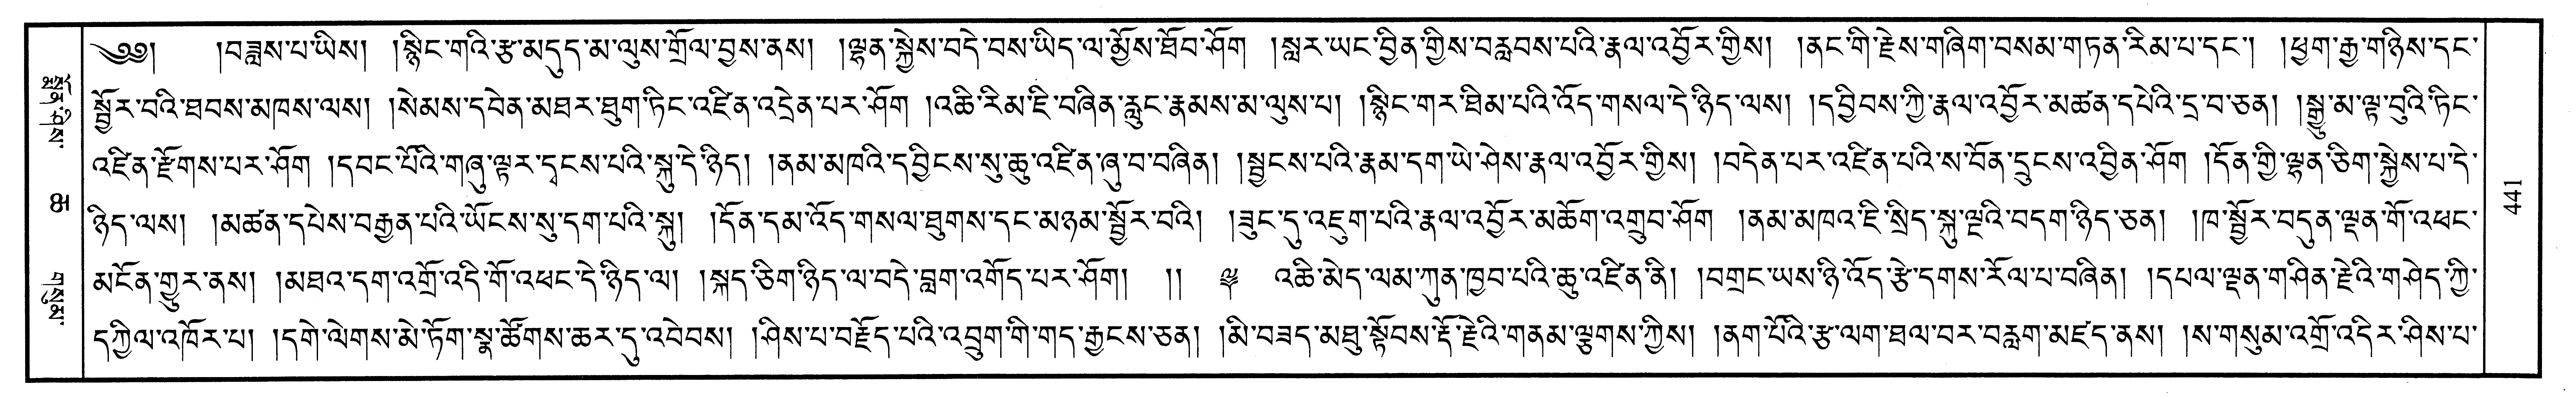༄༅། །བཟླས་པ་ཡིས། །སྙིང་གའི་རྩ་མདུད་མ་ལུས་གྲོལ་བྱས་ནས། །ལྷན་སྐྱེས་བདེ་བས་ཡིད་ལ་མྱོས་ཐོབ་ཤོག །སླར་ཡང་བྱིན་གྱིས་བརླབས་པའི་རྣལ་འབྱོར་གྱིས། །ནང་གི་རྗེས་གཞིག་བསམ་གཏན་རིམ་པ་དང་། །ཕྱག་རྒྱ་གཉིས་དང་
སྦྱོར་བའི་ཐབས་མཁས་ལས། །སེམས་དབེན་མཐར་ཐུག་ཏིང་འཛིན་འདྲེན་པར་ཤོག །འཆི་རིམ་ཇི་བཞིན་རླུང་རྣམས་མ་ལུས་པ། །སྙིང་གར་ཐིམ་པའི་འོད་གསལ་དེ་ཉིད་ལས། །དབྱིབས་ཀྱི་རྣལ་འབྱོར་མཚན་དཔེའི་དྲ་བ་ཅན། །སྒྱུ་མ་ལྟ་བུའི་ཏིང་
འཛིན་རྫོགས་པར་ཤོག །དབང་པོའི་གཞུ་ལྟར་དྭངས་པའི་སྐུ་དེ་ཉིད། །ནམ་མཁའི་དབྱིངས་སུ་ཆུ་འཛིན་ཞུ་བ་བཞིན། །སྦྱངས་པའི་རྣམ་དག་ཡེ་ཤེས་རྣལ་འབྱོར་གྱིས། །བདེན་པར་འཛིན་པའི་ས་བོན་དྲུངས་འབྱིན་ཤོག །དོན་གྱི་ལྷན་ཅིག་སྐྱེས་པ་དེ་
ཉིད་ལས། །མཚན་དཔེས་བརྒྱན་པའི་ཡོངས་སུ་དག་པའི་སྐུ། །དོན་དམ་འོད་གསལ་ཐུགས་དང་མཉམ་སྦྱོར་བའི། །ཟུང་དུ་འཇུག་པའི་རྣལ་འབྱོར་མཆོག་འགྲུབ་ཤོག །ནམ་མཁའ་ཇི་སྲིད་སྐུ་ལྔའི་བདག་ཉིད་ཅན། །ཁ་སྦྱོར་བདུན་ལྡན་གོ་འཕང་
མངོན་གྱུར་ནས། །མཐའ་དག་འགྲོ་འདི་གོ་འཕང་དེ་ཉིད་ལ། །སྐད་ཅིག་ཉིད་ལ་བདེ་བླག་འགོད་པར་ཤོག། །། ༈ འཆི་མེད་ལམ་ཀུན་ཁྱབ་པའི་ཆུ་འཛིན་ནི། །བགྲང་ཡས་ཉི་འོད་རྩེ་དགས་རོལ་པ་བཞིན། །དཔལ་ལྡན་གཤིན་རྗེའི་གཤེད་ཀྱི་
དཀྱིལ་འཁོར་པ། །དགེ་ལེགས་མེ་ཏོག་སྣ་ཚོགས་ཆར་དུ་འབེབས། །ཤིས་པ་བརྗོད་པའི་འབྲུག་གི་གད་རྒྱངས་ཅན། །མི་བཟད་མཐུ་སྟོབས་རྡོ་རྗེའི་གནམ་ལྕགས་ཀྱིས། །ནག་པོའི་རྩ་ལག་ཐལ་བར་བརླག་མཛད་ནས། །ས་གསུམ་འགྲོ་འདིར་ཤིས་པ་